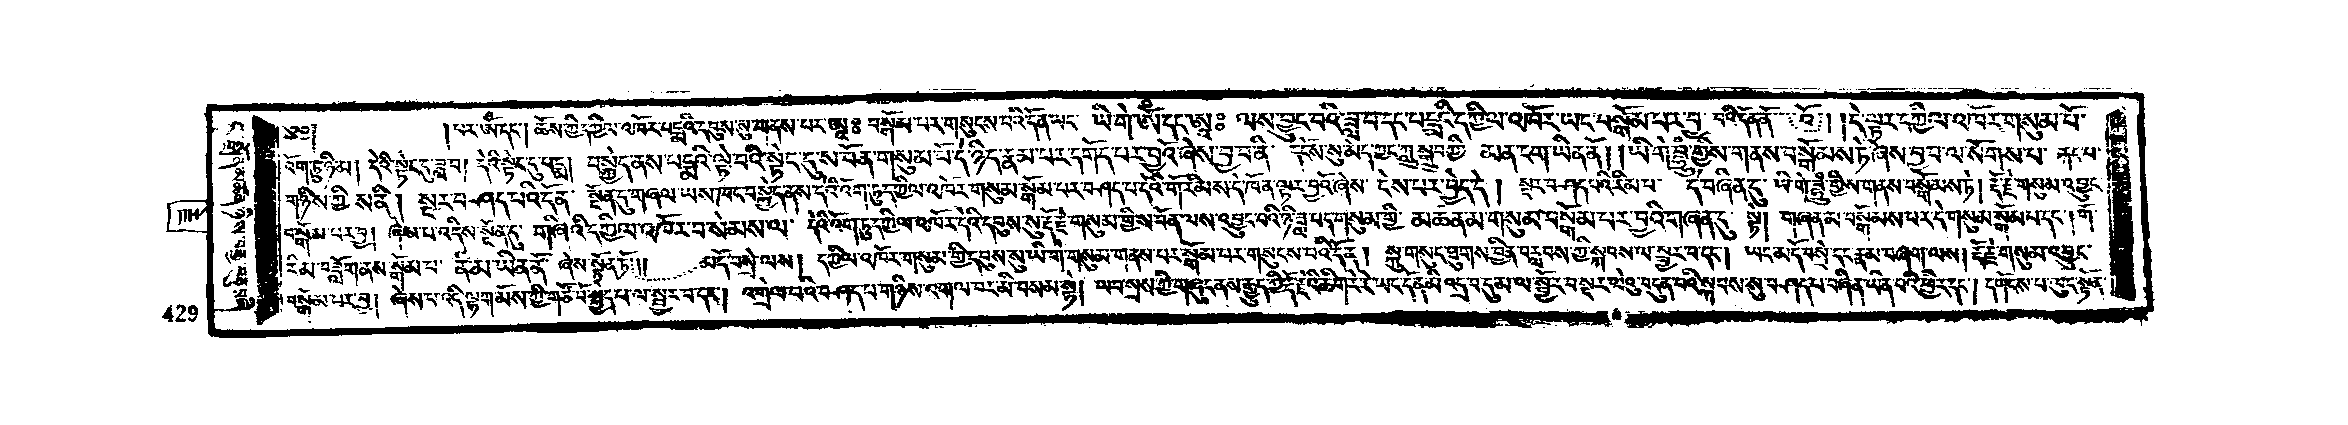༄༅། ། པར་ཨོཾ་དང་། ཆོས་ཀྱི་དཀྱིལ་འཁོར་པདམའི་དབུས་སུ་གནས་པར་ཨཱཿ བསྒོམ་པར་གསུངས་པའི་དོན་ཡང་ཡི་གེ་ཨོཾ་དང་ཨཱཿ ལས་བྱུང་བའི་ཟླ་བ་དང་པདམའི་དཀྱིལ་འཁོར་ཡང་བསྒོམ་པར་བྱ་བའི་དོན་ནོ་འོ། །དེ་ལྟར་དཀྱིལ་འཁོར་གསུམ་པོ་
འོག་ཏུ་ཉི་མ། དེའི་སྟེང་དུ་ཟླ་བ། དེའི་སྟེང་དུ་པདམ། བསྐྱེད་ནས་པདམའི་ལྟེ་བའི་སྟེང་དུ་ས་བོན་གསུམ་པོ་དེ་ཉིད་རྣམ་པར་དགོད་པར་བྱའོ་ཞེས་བྱ་བ་ནི་དངོས་སུ་མེད་ཀྱང་ཀླུ་སྒྲུབ་ཀྱི་མན་ངག་ཡིན་ནོ། །ཡི་གེ་བྷྲུཾ་གྱིས་གནས་བསྒོམས་ཏེ་ཞེས་བྱ་བ་ལ་སོགས་པ་རྐང་པ་
གཉིས་ཀྱི་ས་ནི། སྔར་བཤད་པའི་དོན་སྔོན་དུ་གཞལ་ཡས་ཁང་བསྐྱེད་ནས་དེའི་འོག་ཏུ་དཀྱིལ་འཁོར་གསུམ་སྒོམ་པར་བཤད་པ་དེའི་གོ་རིམས་དེ་ཁོ་ན་ལྟར་བྱའོ་ཞེས་ངེས་པར་བྱེད་དེ། སྔར་བཤད་པའི་རིམ་པ་དེ་བཞིན་དུ་ཡི་གེ་བྷྲུཾ་གྱིས་གནས་བསྒོམས་ཏེ། རྡོ་རྗེ་གསུམ་འབྱུང་
བསྒོམ་པར་བྱ། ཞེས་པ་འདིས་སྔོན་དུ་གཞིའི་དཀྱིལ་འཁོར་བ་སེམས་ལ་དེའི་འོག་ཏུ་དཀྱིལ་འཁོར་དེའི་དབུས་སུ་རྡོ་རྗེ་གསུམ་གྱི་ས་བོན་ལས་འབྱུང་བའི་ཉི་ཟླ་པད་གསུམ་གྱི་མཚན་མ་གསུམ་བསྒོམ་པར་བྱའི་གཞན་དུ་སྟེ། གཞན་མ་བསྒོམས་པར་དེ་གསུམ་སྒོམ་པ་དང་། གོ་
རིམ་བཟློག་ནས་སྒོམ་པ་ནི་མ་ཡིན་ནོ་ཞེས་སྟོན་ཏོ།། མདོ་བསྲེ་ལས། དཀྱིལ་འཁོར་གསུམ་གྱི་དབུས་སུ་ཡི་གེ་གསུམ་གནས་པར་སྒོམ་པར་གསུངས་པའི་དོན། སྐུ་གསུང་ཐུགས་བྱིན་བརླབས་ཀྱི་སྐབས་ལ་སྦྱར་བ་དང་། ཡང་མདོ་བསྲེ་དང་རྣམ་བཞག་ལས། རྡོ་རྗེ་གསུམ་འབྱུང་
བསྒོམ་པར་བྱ། ཞེས་པ་འདི་ལྷག་མོས་ཀྱི་གཙོ་བོ་སྐྱེད་པ་ལ་སྦྱར་བ་དང་། འགྲེལ་པའི་བཤད་པ་གཉིས་འགལ་བར་མི་བསམ་སྟེ། ཡབ་སྲས་ཀྱི་གཞུང་ནས་རྒྱུད་ཀྱི་རྡོ་རྗེའི་ཚིག་རེ་རེ་ཡང་དོན་མི་འདྲ་བ་དུ་མ་ལ་སྦྱོར་བ་སྔར་ལེའུ་བདུན་པའི་སྐབས་སུ་བཤད་པ་བཞིན་ཡིན་པར་ཕྱིར་དང་། དགོངས་པ་ལུང་སྟོན་